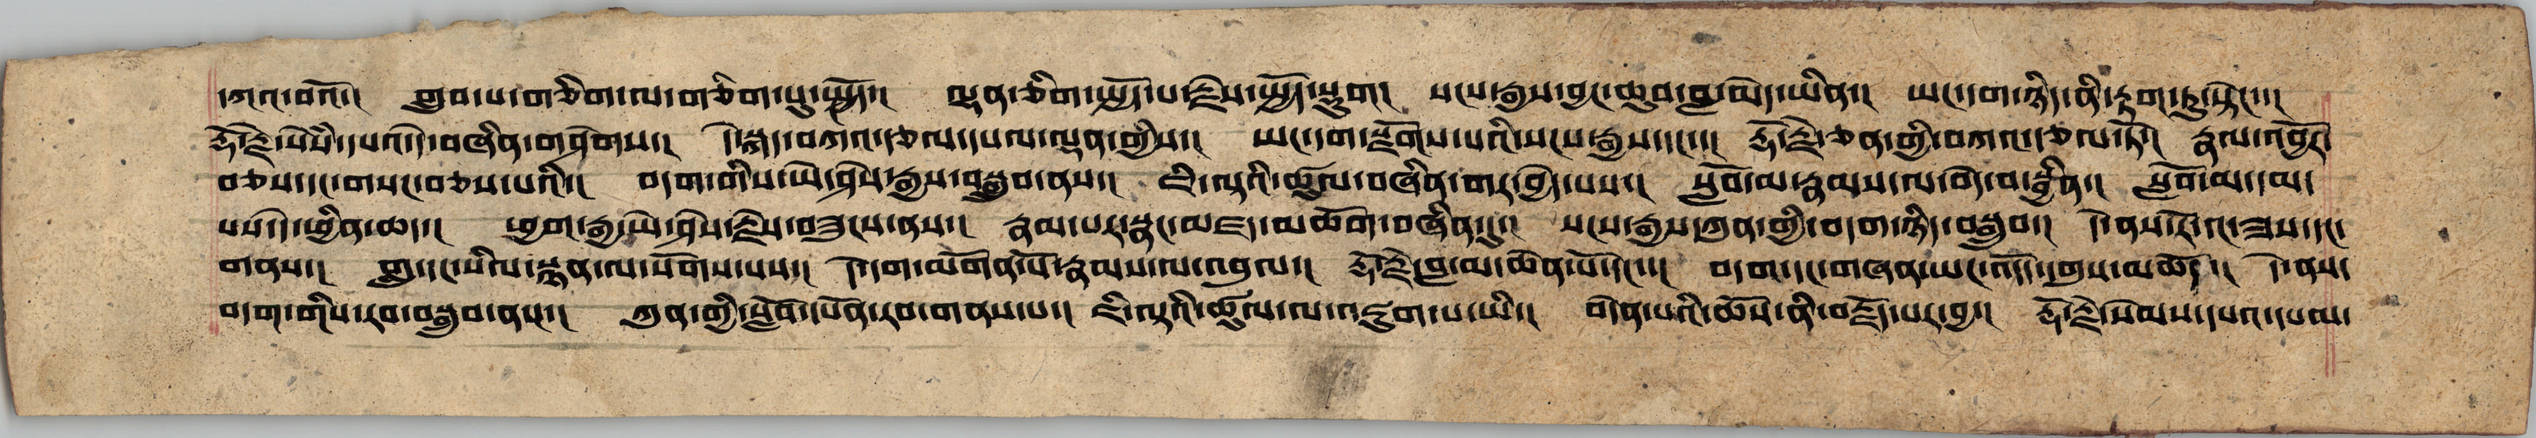དཀའ་བའོ་། གྲུབ་པ་གཅིག་ལ་གཅིག་པུ་སྤྱོད་། ལྷན་ཅིག་སྤྱོད་པ་རྗེས་སྤྱོད་སྡུག། སངས་རྒྱས་བྱང་ཆུབ་བླ་མེད་ཡིན་། ཡང་དག་ཉིད་ནི་རྟག་ཏུ་སྟེང་་།
རྡོ་རྗེ་སེཾས་དཔའ་དེ་བཞིན་གཤེགས་། དེ་སྐད་བཀའ་རྩལ་དཔལ་ལྡན་གྱིས་། ཡང་དག་སྫོགས་པའི་སངས་རྒྱས་དང་་། རྡོ་རྗེ་ཅན་གྱི་བཀའ་རྩལ་ཏོ་། རྣལ་འབྱོར་
བཅས་དང་གསང་བཅས་པའི་། བདག་གིས་ཡེ་ཤེས་རྒྱས་བསྒྲུབ་ནས་། ཇི་ལྟའི་ཚུལ་བཞིན་གར་བྱེད་པས་། སློབ་མ་རྣམས་ལ་བདེ་བ་སྦྱིན་། སློབ་མ་དམ་
པས་དེ་ཕྱིན་ཆད་། ཕྱག་རྒྱ་ཡེ་ཤེས་རྗེས་བཟུངས་ནས་། རྣམ་པར་སྣང་མཛད་མཆོག་བཞིན་དུ་། སངས་རྒྱས་ཀུན་གྱི་བདག་ཉིད་བསྒྲུབ་། དེ་ནས་རོ་དང་ཟས་དང་
གནས་། གླུ་དང་སིལ་སྙན་ལ་སོགས་པས་། དེ་དག་མགོན་པོ་རྣམས་ལ་འབུལ་། རྡོ་རྗེ་བླ་མ་ཆེན་པོ་དང་་། བདག་དང་གཞན་ཡང་འདོད་དགུས་མཆོད་། དེ་ནས་
བདག་གིས་རབ་བསྒྲུབ་ནས་། ཀུན་གྱི་སློབ་དཔོན་རབ་གནས་པ་། ཇི་ལྟའི་ཚུལ་ལ་འཇུག་པ་ཡི་། བདེན་པའི་ཆོས་ནི་བརྗོད་པར་བྱ་། རྡོ་རྗེ་སེམས་དཔའ་དཔལ་